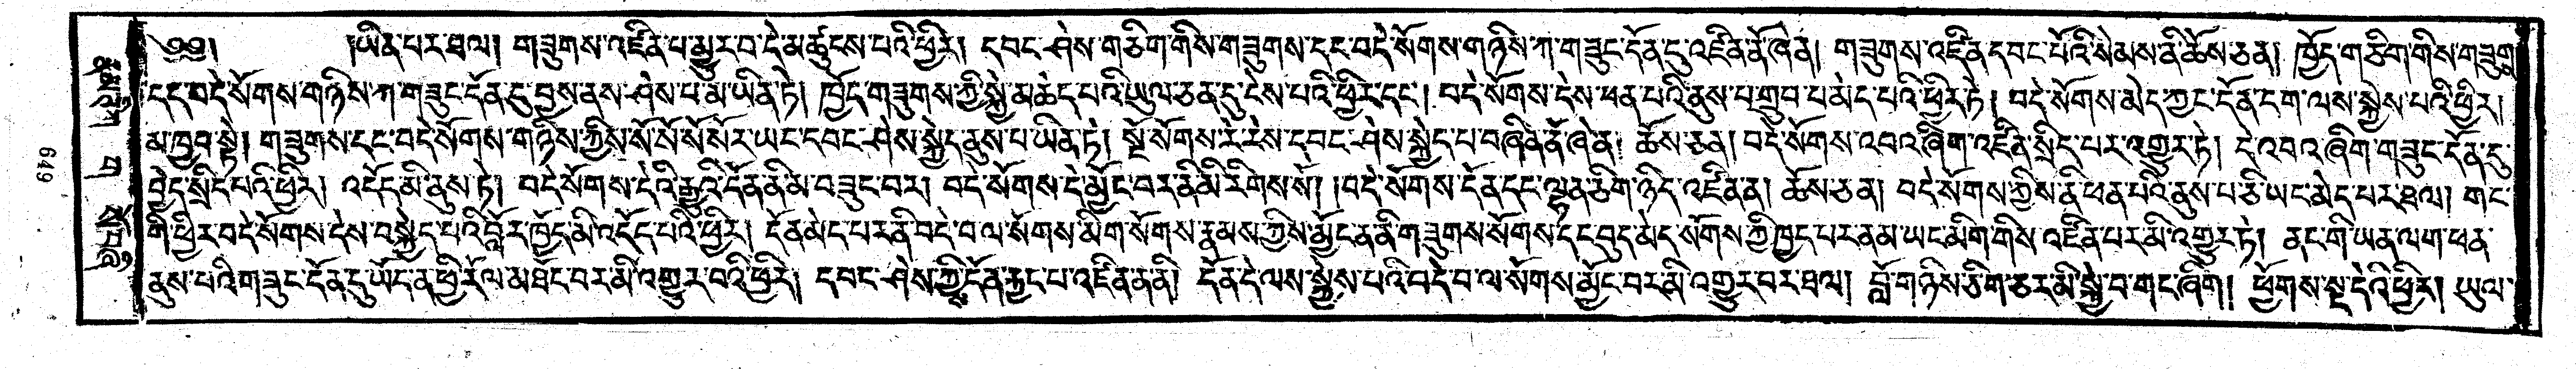༄༅། །ཡིན་པར་ཐལ། གཟུགས་འཛིན་པ་མྱུར་བ་དེ་མཚུངས་པའི་ཕྱིར། དབང་ཤེས་གཅིག་གིས་གཟུགས་དང་བདེ་སོགས་གཉིས་ཀ་གཟུང་དོན་དུ་འཛིན་ནོ་ཞེ་ན། གཟུགས་འཛིན་དབང་པོའི་སེམས་ནི་ཆོས་ཅན། ཁྱོད་གཅིག་གིས་གཟུགས་
དང་བདེ་སོགས་གཉིས་ཀ་གཟུང་དོན་དུ་བྱས་ནས་ཤེས་པ་མ་ཡིན་ཏེ། ཁྱོད་གཟུགས་ཀྱི་སྐྱེ་མཆེད་པའི་ཡུལ་ཅན་དུ་ངེས་པའི་ཕྱིར་དང་། བདེ་སོགས་དེས་ཕན་པའི་ནུས་པ་གྲུབ་པ་མེད་པའི་ཕྱིར་ཏེ། བདེ་སོགས་མེད་ཀྱང་དོན་དག་ལས་སྐྱེས་པའི་ཕྱིར།
མ་ཁྱབ་སྟེ། གཟུགས་དང་བདེ་སོགས་གཉིས་ཀྱིས་སོ་སོ་སོ་སོར་ཡང་དབང་ཤེས་སྐྱེད་ནུས་པ་ཡིན་ཏེ། སྔོ་སོགས་རེ་རེས་དབང་ཤེས་སྐྱེད་པ་བཞིན་ནོ་ཞེ་ན། ཆོས་ཅན། བདེ་སོགས་འབའ་ཞིག་འཛིན་སྲིད་པར་འགྱུར་ཏེ། དེ་འབའ་ཞིག་གཟུང་དོན་དུ་
བྱེད་སྲིད་པའི་ཕྱིར། འདོད་མི་ནུས་ཏེ། བདེ་སོགས་དེའི་རྒྱུའི་དོན་ནི་མ་བཟུང་བར། བདེ་སོགས་དེ་མྱོང་བར་ནི་མི་རིགས་སོ། །བདེ་སོགས་དོན་དང་ལྷན་ཅིག་ཉིད་འཛིན་ན། ཆོས་ཅན། བདེ་སོགས་ཀྱིས་ནི་ཕན་པའི་ནུས་པ་ཅི་ཡང་མེད་པར་ཐལ། གང་
གི་ཕྱིར་བདེ་སོགས་དེས་བསྐྱེད་པའི་བློར་ཁྱོད་མི་འདོད་པའི་ཕྱིར། དོན་མེད་པར་ནི་བདེ་བ་ལ་སོགས་མིག་སོགས་རྣམས་ཀྱིས་མྱོང་ན་ནི་གཟུགས་སོགས་དང་བུད་མེད་སོགས་ཀྱི་ཁྱད་པར་ནམ་ཡང་མིག་གིས་འཛིན་པར་མི་འགྱུར་ཏེ། ནང་གི་ཡན་ལག་ཕན་
ནུས་པའི་གཟུང་དོན་དུ་ཡོད་ན་ཕྱི་རོལ་མཐོང་བར་མི་འགྱུར་བའི་ཕྱིར། དབང་ཤེས་ཀྱིས་དོན་རྐྱང་པ་འཛིན་ན་ནི། དོན་དེ་ལས་སྐྱེས་པའི་བདེ་བ་ལ་སོགས་མྱོང་བར་མི་འགྱུར་བར་ཐལ། བློ་གཉིས་ཅིག་ཅར་མི་སྐྱེ་བ་གང་ཞིག། ཕྱོགས་སྔ་དེའི་ཕྱིར། ཡུལ་